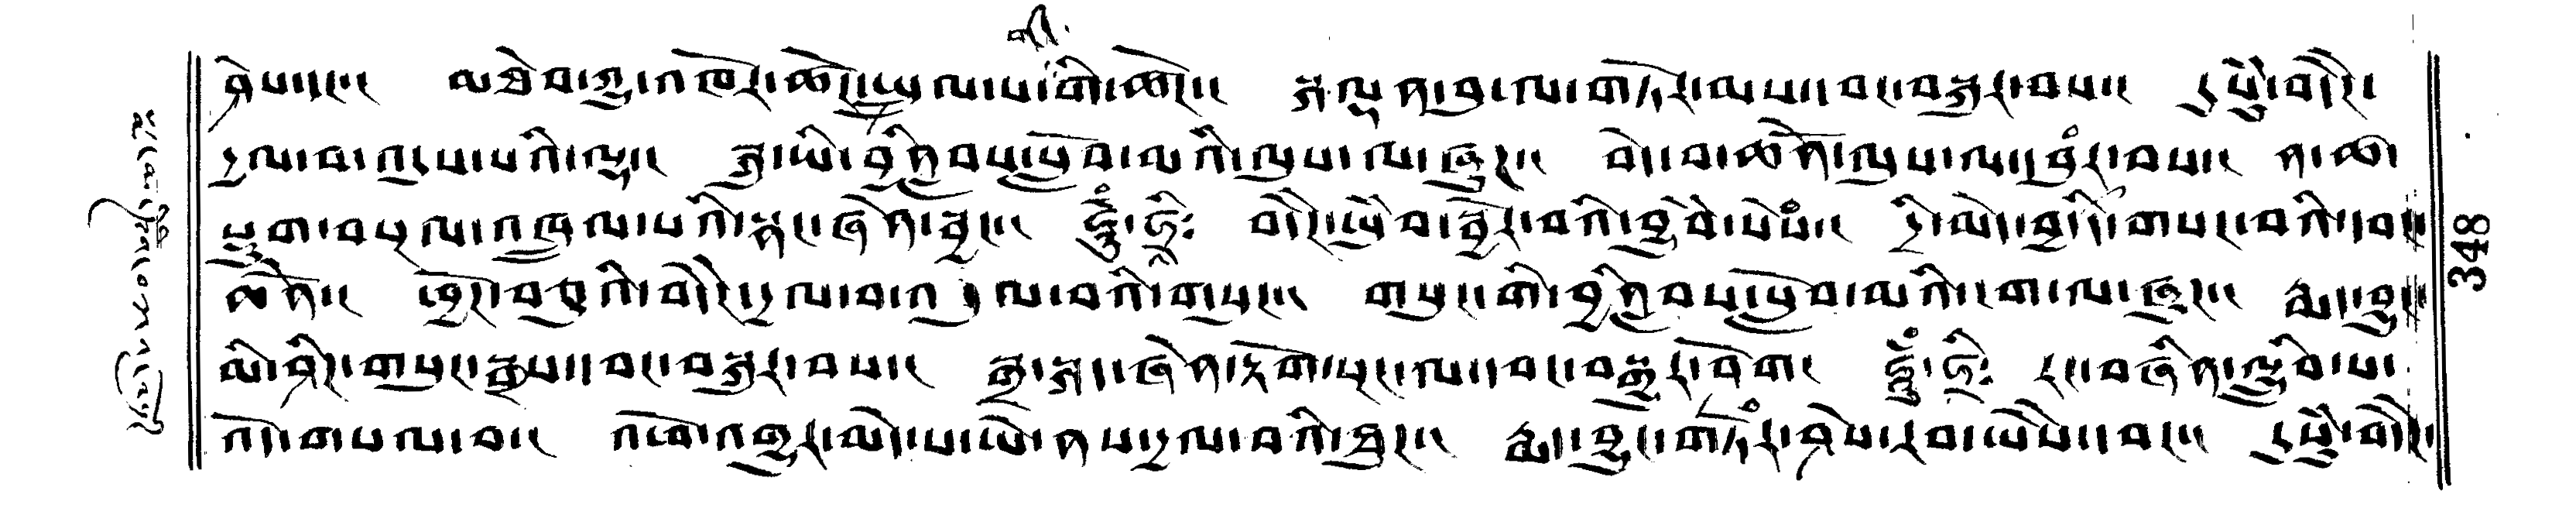ཤེས་དང་། །མཐེབ་ཀྱུ་འཁོར་ཚོགས་སྤྲུལ་པ་གིང་གི་ཚོགས། །སྐལ་ལྡན་བུ་ལ་གཏོར་མས་དབང་བསྐུར་བས། །དུས་གསུམ་བདེ་གཤེགས་
རྒྱལ་བ་འདུས་པའི་ལྷ། །སྐུ་ཡི་བྱིན་རླབས་སློབ་མའི་ལུས་ལ་ཞུགས། །བདེ་བ་ཆེན་པོ་ལུས་ལ་དབང་བསྐུར་བས། །ན་ཚ་
སྡུག་བསྔལ་འཁྲུལ་པའི་སྣང་ཞེན་སྦྱང་། ཧཱུྃ་ཧྲཱིཿ བདེ་གཤེགས་ཡབ་ཡུམ་སྦྱོར་བའི་བྱང་ཆུབ་སེམས། །དྲི་མེད་བདུད་རྩི་གསང་བའི་དབང་
ཆེན་པོ། །ཕྱོགས་བཅུའི་བདེ་གཤེགས་རྒྱལ་བ་འདུས་པའི་གསུང་། །གསུང་གི་བྱིན་རླབས་སློབ་མའི་ངག་ལ་ཞུགས། །རྨད་བྱུང་
མི་ཤིགས་གསུང་སྒྲས་དབང་བསྐུར་བས། །སྒྲ་སྐད་ཞེན་རྟོག་སྔགས་ལ་དབང་བསྒྱུར་ཤོག ཧཱུྃ་ཧྲཱིཿ རང་བཞིན་ལྷུན་གྱིས་གྲུབ་པ་
འོད་གསལ་བ། །འཕོ་འགྱུར་མེད་པ་ཡེ་ནས་རྒྱལ་བའི་ཐུགས། །རྨད་བྱུང་གཏོར་མ་ཤེས་རབ་ཡེ་ཤེས་དབང་། །དུས་གསུམ་བདེ་གཤེགས་